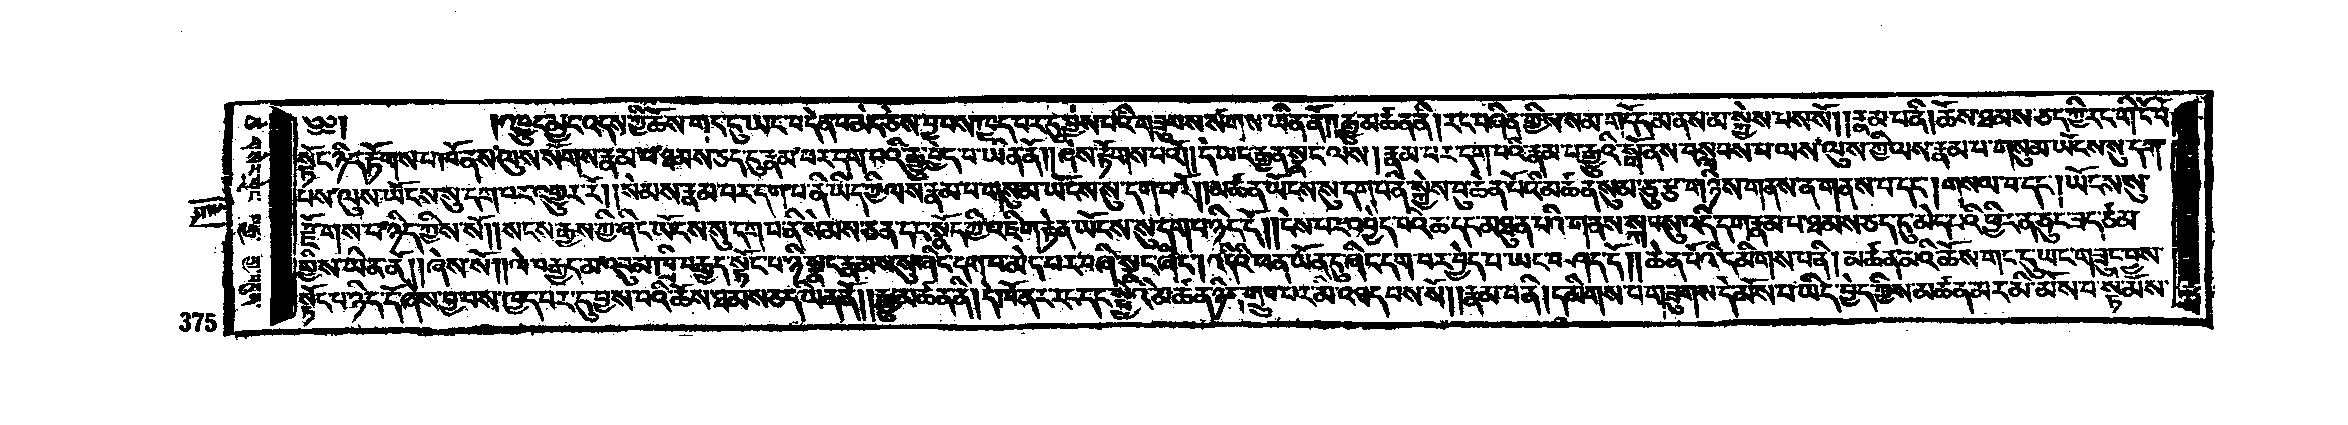༄༅། །འབྱུང་མྱང་འདས་ཀྱི་ཆོས་གང་དུ་ཡང་བདེན་པ་མེད་ཅེས་བྱ་བས་ཁྱད་པར་དུ་བྱས་པའི་གཟུགས་སོགས་ཡིན་ནོ། །རྒྱུ་མཚན་ནི། རང་བཞིན་གྱིས་སམ་གདོད་མ་ནས་མ་སྐྱེས་པས་སོ། །རྣམ་པ་ནི། ཆོས་ཐམས་ཅད་ཀྱི་རང་གི་ངོ་བོ་
སྟོང་ཉིད་རྟོགས་པ་ཁོ་ནས་ལུས་སོགས་རྣམ་པ་ཐམས་ཅད་དུ་རྣམ་པར་དག་པའི་རྒྱུ་བྱེད་པ་ཡིན་ནོ། །ཞེས་རྟོགས་པའོ། །དེ་ཡང་རྒྱན་སྣང་ལས། རྣམ་པར་དག་པའི་རྣམ་པ་རྒྱུའི་སྒོ་ནས་བསླབས་པ་ལས་ལུས་ཀྱི་ལས་རྣམ་པ་གསུམ་ཡོངས་སུ་དག་
པས་ལུས་ཡོངས་སུ་དག་པར་འགྱུར་རོ། །སེམས་རྣམ་པར་དག་པ་ནི་ཡིད་ཀྱི་ལས་རྣམ་པ་གསུམ་ཡོངས་སུ་དག་པའོ། །མཚན་ཡོངས་སུ་དག་པ་ནི་སྐྱེས་བུ་ཆེན་པོའི་མཚན་སུམ་ཅུ་རྩ་གཉིས་གནས་ན་གནས་པ་དང་། གསལ་བ་དང་། ཡོངས་སུ་
རྫོགས་པ་ཉིད་ཀྱིས་སོ། །སངས་རྒྱས་ཀྱི་ཞིང་ཡོངས་སུ་དག་པ་ནི་སེམས་ཅན་དང་སྣོད་ཀྱི་འཇིག་རྟེན་ཡོངས་སུ་དག་པ་ཉིད་དོ། །ངེས་པར་འབྱེད་པའི་ཆ་དང་མཐུན་པའི་གནས་སྐབས་སུ་འདི་དག་རྣམ་པ་ཐམས་ཅད་དུ་མེད་པའི་ཕྱིར་ན་ཅུང་ཟད་ཙམ་
གྱིས་ཡིན་ནོ། །ཞེས་སོ། །ལེ་བརྒྱད་མ་འབུམ་ཁྲི་བརྒྱད་སྟོང་པ་ཉི་སྣང་རྣམས་སུ་ཞིང་དག་པ་མེད་པར་བཞི་སྣང་ཞིང་། འདིའི་ཕན་ཡོན་དུ་ཞིང་དག་པར་བྱེད་པ་ཡང་བཤད་དོ། །ཆེན་པོའི་དམིགས་པ་ནི། མཚན་མའི་ཆོས་གང་དུ་ཡང་གཟུང་བྱས་
སྟོང་པ་ཉིད་དོ་ཞེས་བྱ་བས་ཁྱད་པར་དུ་བྱས་པའི་ཆོས་ཐམས་ཅད་ཡིན་ནོ། །རྒྱུ་མཚན་ནི། དེ་ཁོ་ནར་རང་དང་སྤྱིའི་མཚན་ཉིད་གྲུབ་པར་མི་འཐད་པས་སོ། །རྣམ་པ་ནི། དམིགས་པ་གཟུགས་དེ་མོས་པ་ཡིད་བྱེད་ཀྱིས་མཚན་མར་མི་མོས་པ་སྟེ་མོས་